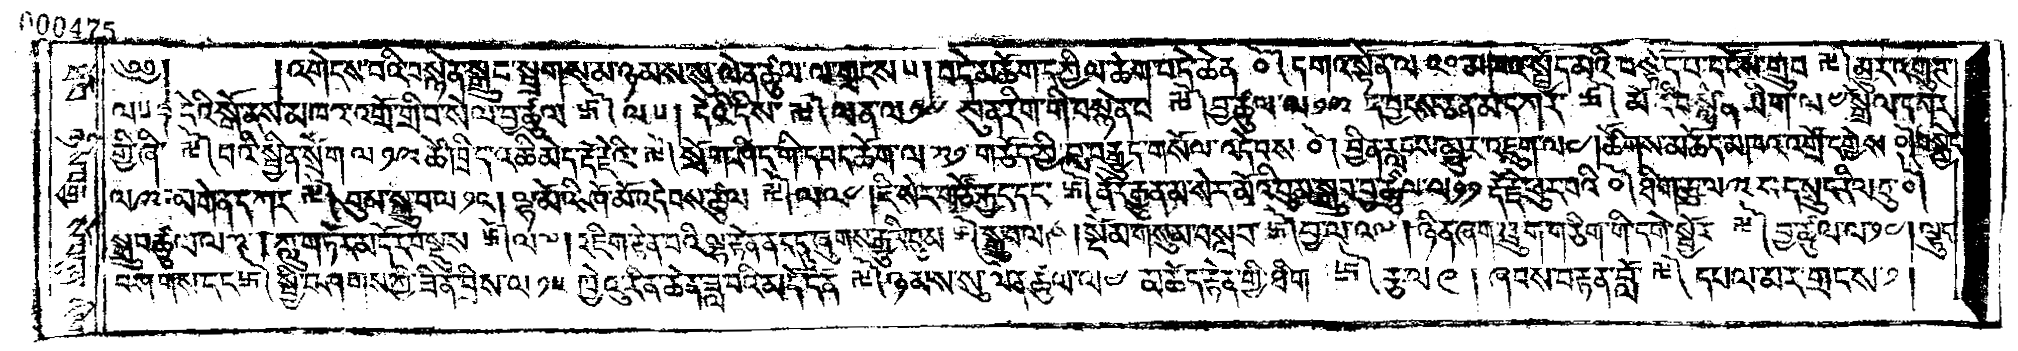༄༅། །འགེངས་བའི་བསྙེན་སྒྲུབ་སྦྲགས་མ་ཉམས་སུ་ལེན་ཚུལ་ལ་གྲངས༥། བདེ་མཆོག་དཀྱིལ་ཆེག་བདེ་ཆེན་྾་དགའ་སྟོན་ལ༢༠་མཁའ་སྤྱོད་མའི་བསྟོད་པ་དངོས་གྲུབ་མྱུར་འགུཊ་
ལ༥་༑དེའི་སྒོ་ནས་མཁའ་འགྲོ་གྲིབ་སེལ་བྱ་ཚུལ་ལ༥། དེའི་དིས་ལན་ལ ༡༤་ཀུན་རིག་གི་བསྙེན་པ་བྱ་ཚུལ་ལ ༡༣་དབྱངས་ཅན་མ་དཀར་མོའི་བསྙེན་ཡིག་ལ ༤་སྒྲོལ་དཀར་
གྱི་ཞི་བའི་སྦྱིན་སྲེག་ལ ༡༣་ཚེ་ཁྲིད་འཆི་མེད་རྡོ་རྗེའི་སྲོག་ཤིང་གི་དབང་ཆོག་ལ ༣༡་གཅོད་ཀྱི་བླ་བརྒྱུད་གསོལ་འདེབས་྾༼་བྱིན་རླབས་མྱུར་འཇུག་ལ༤། ཚོགས་མཆོད་མཁའ་འགྲོ་དགྱེས་྾༽ བསྐྱེད་
ལ ༣། མགེན་དཀར་བུམ་སྒྲུབ་ལ༡༢། ལྷ་མོའི་ཤོ་མོ་འདེབས་ཚུལ་ལ༢༤། ཇི་སེར་གཙོ་རྐྱང་དང་ནོར་རྒྱུན་མ་སེར་མོའི་བུམ་སྒྲུབ་བྱ་ཚུལ་ལ ༡༡་རྡོ་རྗེ་ཕུར་བའི་྾༼་ཐིག་རྩལ ༣་སད་སྲུང་རིལ་བུ་྾༽
སྒྲུབ་ཚུལ་ལ༣། ཀླུ་གཏོར་མདོར་བསྡུས་ལ༧། འཇིག་རྟེན་བའི་ལྷ་རྟེན་ནང་དུ་ཞུགས་རྒྱུའི་བུམ་སྒྲུབ་ལ༦། སྡོམ་གསུམ་བསླབ་བྱ་ལ༢༧། ཉིན་ཞག་ཕྲུག་གཅིག་གི་དགེ་སྦྱོར་བྱ་ཚུལ་ལ༡༤། ལྟུང་
བཤགས་དང་སྤྱི་བཤགས་ཀྱི་ཟིན་བྲིས་ལ༡༥་ཁྱེའུ་རིན་ཆེན་ཟླ་བའི་མདོ་དོན་ཉམས་སུ་ལེན་ཚུལ་ལ༤་མཆོད་རྟེན་གྱི་ཐིག་རྩ་ལ༩། ཞབས་བརྟན་བློ་དཔལ་མར་གྲངས༡།